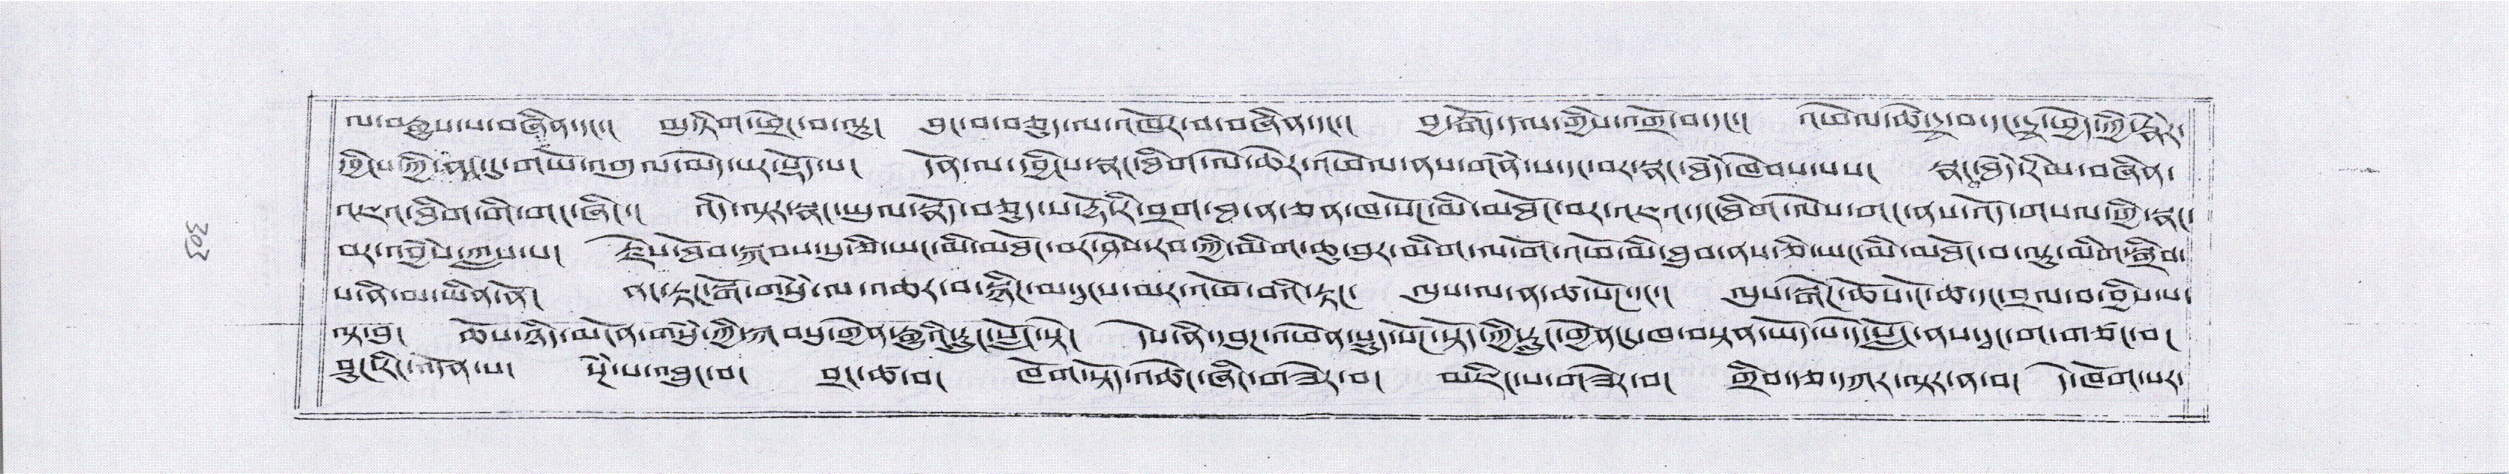ལ་བརྒྱུས་པ་བཞིན་དང། མུ་ཏིག་ཕྲེང་བ་ལྟ་བུ། བུང་བ་བཅུད་ལ་འཁོར་བ་བཞིན་དང། བྱ་རྒོད་དལ་གྱིས་འགྲོ་བ་དང། འཕེལ་ཚེ་དྲྭ་བ་དང་དྲྭ་ཕྱེད་ཀྱི་རྣམ་པར་
དབྱིངས་ཀྱི་ནང་དུ་གཡོ་འགུལ་མེད་པར་སྡོད་པ། དོན་ལ་དབྱིངས་སྣང་ཐིག་ལེ་ཆེར་འཕེལ་ནས་གནམ་ས་དང་བར་སྣང་ཐམས་ཅད་ཁེབས་པས། སྣང་བ་ཐམས་ཅད་རིམ་བཞིན་
འཇའ་ཐིག་གི་གང་ཞིང། འདི་ལྟར་སྣང་ཡུལ་སྣོད་བཅུད་ས་རྡོ་རི་བྲག་ཐ་ན་ཅན་ཁ་སོགས་མི་མཐོང་བར་འཇའ་དང་ཐིག་ལེས་གང་ནས་འོད་གསལ་གྱི་སྣང་
བར་འབྱམས་ཀླས་པ། རྗེས་ཐོབ་སྐབས་སུ་ཅི་ཡང་མི་མཐོང་བར་ཤེས་རབ་ཀྱི་མིག་ཆུ་བུར་མིག་ལ་གོ་འཕོ་མི་ཐུབ་ནས་ཅི་ཡང་མི་མཐོང་བ་ལྟ་བུ་མིག་སྒྲིབ་
པ་ནི་མ་ཡིན་ནོ། ནང་རྟགས་སྒོ་གསུམ་ལ་འཆར་བ་སྙིགས་མ་དྭངས་མར་འཕོ་བའི་རྟགས། ལུས་ལ་ན་ཚ་སོགས་དང། ལུས་སྒེགས་ཆོས་ངོ་ཚ་དང་བྲལ་བ་བྱིས་པ་
ལྟ་བུ། ཆོས་ཉིད་མངོན་གསུམ་གྱི་སྐབས་སུ་གྱེན་རྒྱུའི་རླུང་སློང་སྟེ། དེས་ནི་དབུགས་འཕེན་སྡུད་སོགས་སྟོད་ཀྱི་རླུང་གྱེན་དུ་ཁ་བསྟན་ཡོད་པ་དེ་སློང་ནས་དྭང་གང་གཙང་བ་
ཤུགས་རིང་འདོན་པ། སྔམ་པ་འཐུང་བ། བྲང་ཚ་བ། ཁོག་སྟོད་འཚེང་ཞིང་གཟེར་བ། མཇིང་པ་གཟེར་བ། གྲིབ་རྩ་དཀར་ལྟར་ན་བ། དེ་ཁོག་སར་